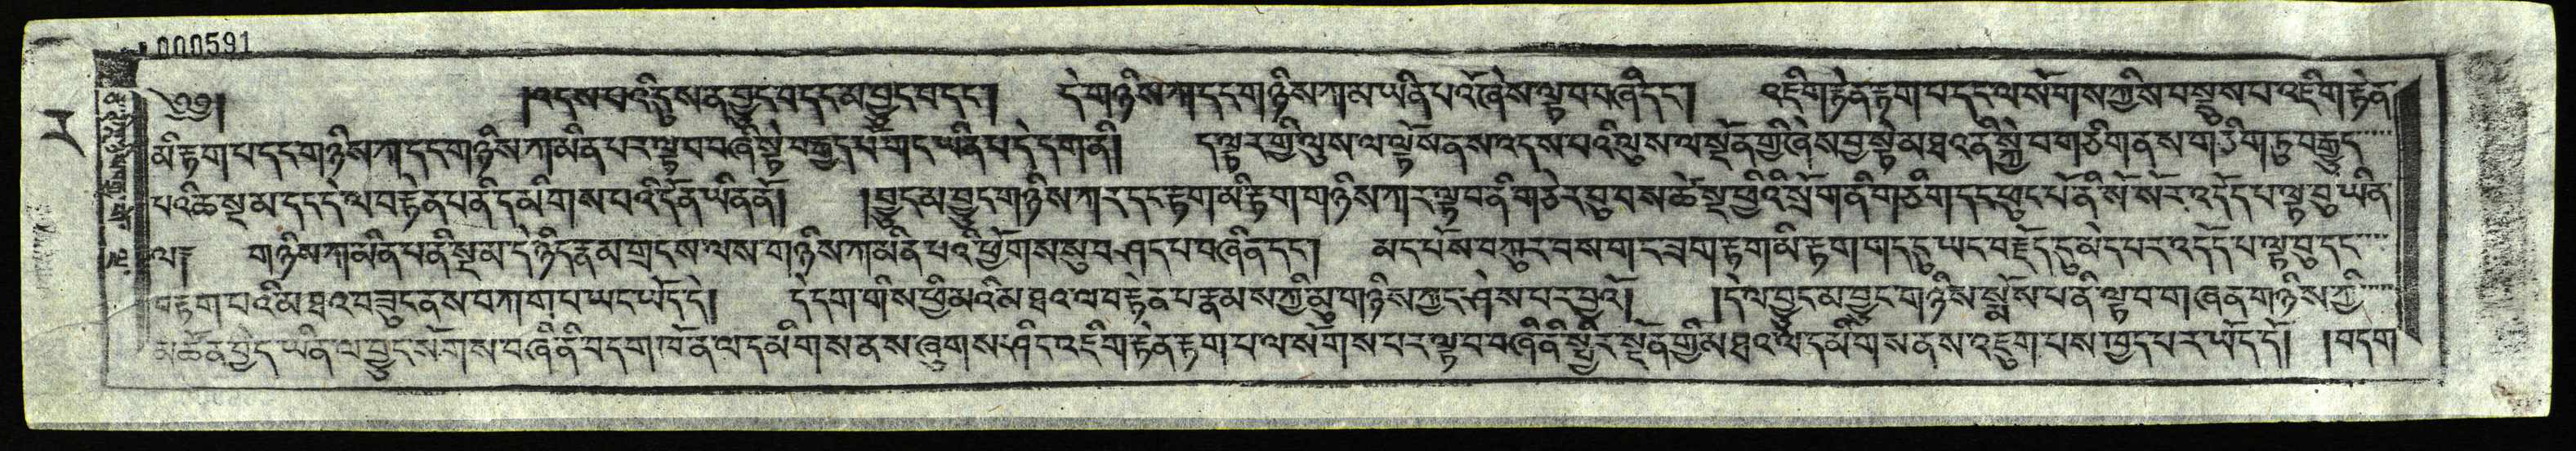༄༅། །འདས་པའི་དུས་ན་བྱུང་བ་དང་མ་བྱུང་བ་དང་། དེ་གཉིས་ཀ་དང་གཉིས་ཀ་མ་ཡིན་པའོ་ཞེས་ལྟ་བ་བཞི་དང་། འཇིག་རྟེན་རྟག་པ་དང་ལ་སོགས་ཀྱིས་བསྡུས་པ་འཇིག་རྟེན་
མི་རྟག་པ་དང་གཉིས་ཀ་དང་གཉིས་ཀ་མིན་པར་ལྟ་བ་བཞི་སྟེ་བརྒྱད་པོ་གང་ཡིན་པ་དེ་དག་ནི། ད་ལྟར་གྱི་ལུས་ལ་ལྟོས་ནས་འདས་པའི་ལུས་ལ་སྔོན་གྱི་ཞེས་བྱ་སྟེ་མཐའ་ནི་སྐྱེ་བ་གཅིག་ནས་གཅིག་ཏུ་བརྒྱུད་
པའི་ཆ་སྔ་མ་དད་དེ་ལ་བརྟེན་པ་ནི་དམིགས་པའི་དོན་ཡིན་ནོ། །བྱུང་མ་བྱུང་གཉིས་ཀར་དང་རྟག་མི་རྟག་གཉིས་ཀར་ལྟ་བ་ནི་གཅེར་བུ་བས་ཚེ་སྔ་ཕྱིའི་སྲོག་ནི་གཅིག་དང་ཕུང་པོ་ནི་སོ་སོར་འདོད་པ་ལྟ་བུ་ཡིན་
ལ༑ གཉིས་ཀ་མིན་པ་ནི་སྔ་མ་དེ་ཉིད་རྣམ་གྲངས་ལས་གཉིས་ཀ་མིན་པའི་ཕྱོགས་སུ་བཤད་པ་བཞིན་དང་། མང་པོས་བཀུར་བས་གང་ཟག་རྟག་མི་རྟག་གང་དུ་ཡང་བརྗོད་དུ་མེད་པར་འདོད་པ་ལྟ་བུ་དང་
བརྟག་པའི་མཐའ་བཟུང་ནས་བཀག་པ་ཡང་ཡོད་དེ། དེ་དག་གིས་ཕྱི་མའི་མཐའ་ལ་བརྟེན་པ་རྣམས་ཀྱི་མུ་གཉིས་ཀྱང་ཤེས་པར་བྱའོ། །དེ་ལ་བྱུང་མ་བྱུང་གཉིས་སྨོས་པ་ནི་ལྟ་བ་གཞན་གཉིས་ཀྱི་
མཚོན་བྱེད་ཡིན་ལ་བྱུང་སོགས་བཞི་ནི་བདག་ཁོ་ན་ལ་དམིགས་ནས་ཞུགས་ཤིང་འཇིག་རྟེན་རྟག་པ་ལ་སོགས་པར་ལྟ་བ་བཞི་ནི་སྤྱིར་སྔོན་གྱི་མཐའ་ལ་དམིགས་ནས་འཇུག་པས་ཁྱད་པར་ཡོད་དོ། །བདག་